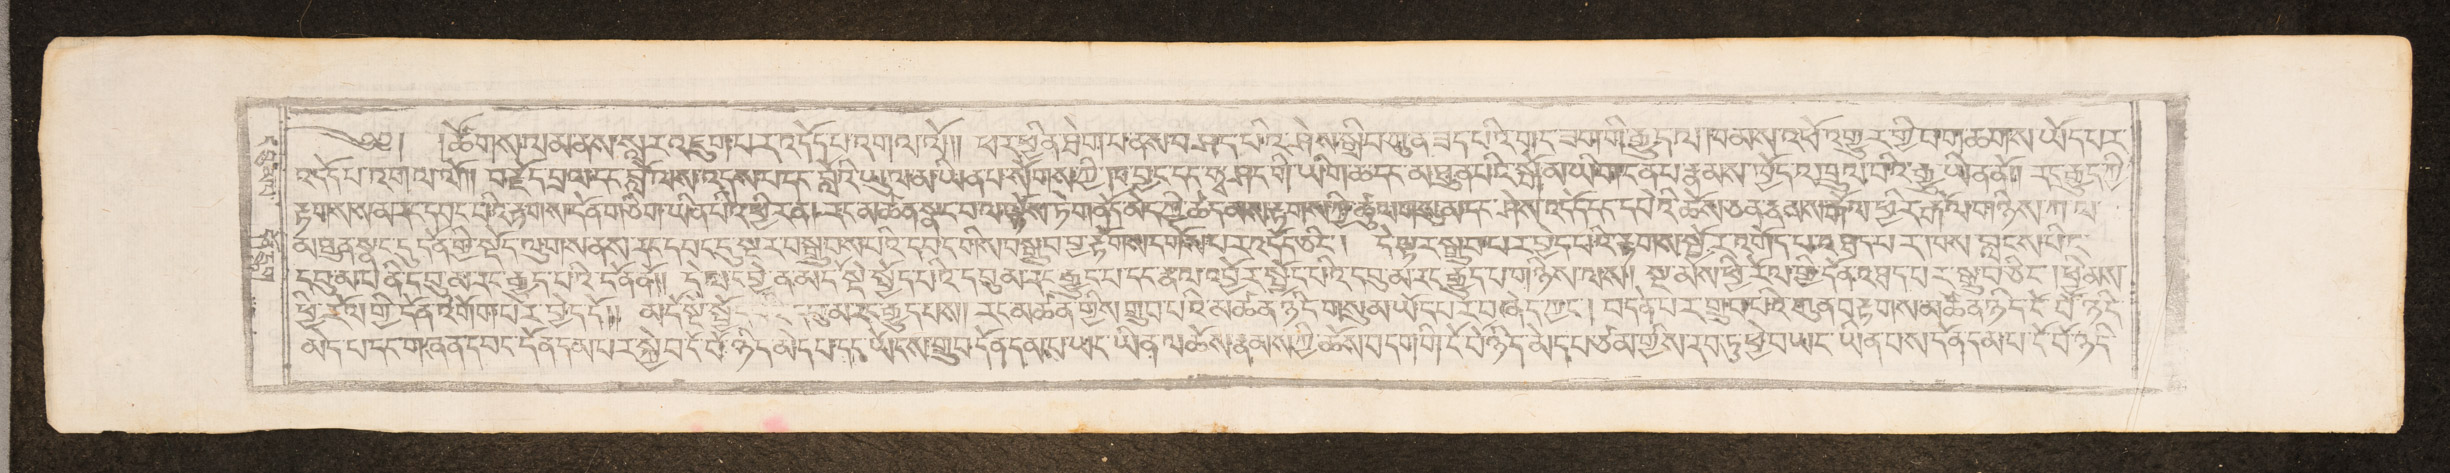༄༅། །ཚོགས་ལམ་ནས་སླར་འཇུག་པར་འདོད་པ་འགལ་ལོ། །ཕར་ཕྱིན་ཐེག་པ་ནས་བཤད་པའི་ཤེས་སྒྲིབ་ཀུན་ཟད་པའི་གང་ཟག་གི་རྒྱུད་ལ་ཁམས་འཕོ་འགྱུར་གྱི་བག་ཆགས་ཡོད་པར་
འདོད་པ་འགལ་ལོ།། བརྗོད་བྲལ་དང་བློ་ལས་འདས་པ་དང་བློའི་ཡུལ་མ་ཡིན་པ་སོགས་ཀྱི་ཁ་བྱང་དང་ཧྭ་ཤང་གི་ཡིག་ཆ་དང་མཐུན་པའི་སྒོམ་ཡིག་ངན་པ་རྣམས་ཁྱོད་འཁྲུལ་བའི་རྒྱུ་ཡིན་ནོ། །རང་རྒྱུད་ཀྱི་
རྟགས་སམ་རང་དབང་བའི་རྟགས་དོན་གཅིག་ཡིན་པའི་ཕྱིར་ན། རང་མཚན་སྣང་བ་ལ་ལྟོས་ཏེ་གནོད་མེད་ཀྱི་ཚད་མས་རྟགས་ཀྱི་ཚུལ་གསུམ་དང་ཤེས་འདོད་དང་དཔེའི་ཆོས་ཅན་རྣམས་རྒོལ་ཕྱིར་རྒོལ་གཉིས་ཀ་ལ་
མཐུན་སྣང་དུ་དོན་གྱི་སྡོད་ལུགས་ནས་རང་དབང་དུ་སྔར་བསྒྲུབས་པའི་དབང་གིས་བསྒྲུབ་བྱ་རྟོགས་དགོས་པར་འདོད་ཅིང་། དེ་ལྟར་སྒྲུབ་པར་བྱེད་པའི་རྟགས་སྦྱོར་འགོད་པ་འཐད་པར་ཁས་བླངས་པའི་
དབུ་མ་པ་ནི་དབུ་མ་རང་རྒྱུད་པའི་དོན་ནོ། །དེ་ལ་དབྱེ་ན་མདོ་སྡེ་སྤྱོད་པའི་དབུ་མ་རང་རྒྱུད་པ་དང་རྣལ་འབྱོར་སྤྱོད་པའི་དབུ་མ་རང་རྒྱུད་པ་གཉིས་ལས། སྔ་མས་ཕྱི་རོལ་གྱི་དོན་འཐད་པར་སྒྲུབ་ཅིང་། ཕྱི་མས་
ཕྱི་རོལ་གྱི་དོན་འགོག་པར་བྱེད་དོ། །མདོ་སྡེ་སྤྱོད་པའི་དབུ་མ་རང་རྒྱུད་པས། རང་མཚན་གྱིས་གྲུབ་པའི་མཚན་ཉིད་གསུམ་ཡོད་པར་བཞེད་ཀྱང་། བདེན་པར་གྲུབ་པའི་ཀུན་བརྟགས་མཚན་ཉིད་ངོ་བོ་ཉིད་
མེད་པ་དང་གཞན་དབང་དོན་དམ་པར་སྐྱེ་བ་ངོ་བོ་ཉིད་མེད་པ་དང་ཡོངས་གྲུབ་དོན་དམ་པ་ཡང་ཡིན་ལ་ཆོས་རྣམས་ཀྱི་ཆོས་བདག་གི་ངོ་བོ་ཉིད་མེད་པ་ཙམ་གྱིས་རབ་ཏུ་ཕྱེ་བ་ཡང་ཡིན་པས་དོན་དམ་པ་ངོ་བོ་ཉིད་